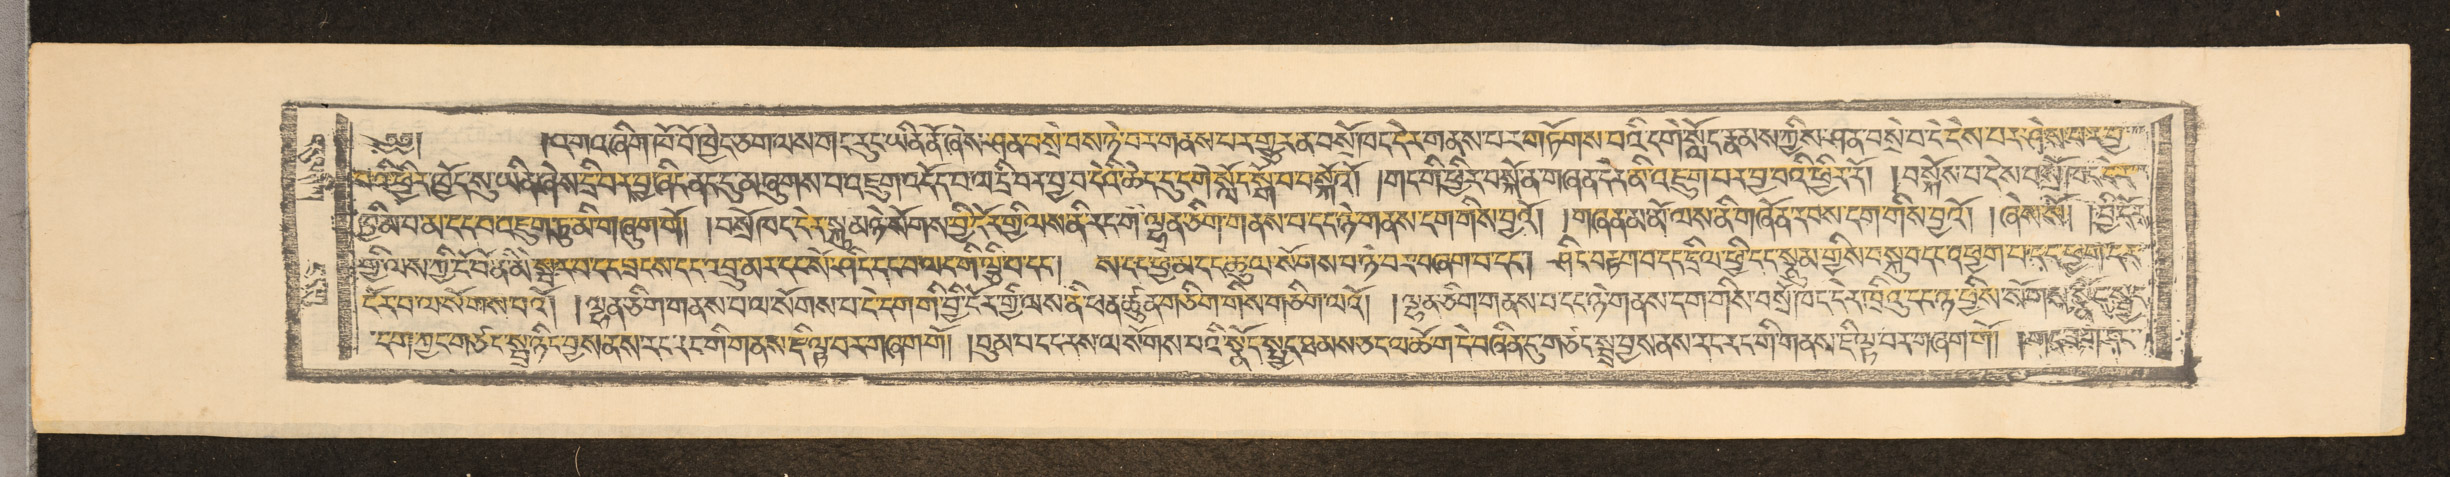༄༅། །འགའ་ཞིག་ཁོ་བོ་ཁྱེད་ཅག་ལས་གང་རུང་ཡིན་ནོ་ཞེས་ཤན་བསྲེ་བས་ཉེ་བར་གནས་པར་གྱུར་ན་བསྲོ་ཁང་དེར་གནས་པར་གཏོགས་པའི་དགེ་སློང་རྣམས་ཀྱིས་ཤན་བསྲེ་བ་དེ་ངེས་པར་ཤེས་པར་བྱ་
པའི་ཕྱིར་ཁྱོད་སུ་ཡིན་ཞེས་དྲི་བར་བྱ་ཞིང་ནང་དུ་མ་ཞུགས་པ་འཇུག་འདོད་པ་ལ་དྲི་བར་བྱ་བ་དེའི་ཆེད་དུ་དགེ་སློང་སྒོ་བ་བསྐོའོ། །གང་གི་ཕྱིར་བསྐོ་ན་གཞན་དེང་མི་འཇུག་པར་བྱ་བའི་ཕྱིར་རོ། །བསྐོས་པ་དེས་བསྲོ་ཁང་དེར་
ཁྱིམ་པ་མ་དད་པ་འཇུག་ཏུ་མི་གཞུག་གོ། །བསྲོ་ཁང་དེར་སྐུ་མཉེ་སོགས་བྱི་དོར་གྱི་ལས་ནི་རང་གི་ལྷན་ཅིག་གནས་པ་དང་ཉེ་གནས་དག་གིས་བྱའོ། །གཞན་མ་མོ་ལས་ནི་གཞོན་རབས་དག་གིས་བྱའོ། །ཞེས་སོ། །བྱི་དོར་
གྱི་ལས་ཀྱི་ངོ་བོ་ནི་མེ་སྦར་བ་དང་ཟངས་དང་འབྲུ་མར་དང་སོ་ཤིང་དང་བ་ལང་གི་ལྕི་བ་དང་། ས་དང་ཕྱེ་མ་དང་ཆུ་ལ་སོགས་པ་ཉེ་བར་བཞག་པ་དང་། ཤིང་བརྟག་པ་དང་དྲིལ་ཕྱི་དང་སྣུམ་གྱིས་བསྐུ་བ་དང་འཕྱག་པ་དང་ཕྱག་དར་
དོར་བ་ལ་སོགས་པའོ། །ལྷན་ཅིག་གནས་པ་ལ་སོགས་པ་དེ་དག་གི་བྱི་དོར་གྱི་ལས་ནི་ཕན་ཚུན་གཅིག་གིས་གཅིག་ལའོ། །ལྷན་ཅིག་གནས་པ་དང་ཉེ་གནས་དག་གིས་བསྲོ་ཁང་དེར་ཁྲིའུ་དང་ཉ་ཕྱིས་སོགས་སྣོད་སྤྱད་
དག་ཀྱང་གཙང་སྦྲ་ཉིད་བྱས་ནས་རང་རང་གི་གནས་ཇི་ལྟ་བར་གཞག་གོ། །བུམ་པ་དང་རས་ལ་སོགས་པའི་སྣོད་སྤྱད་ཐམས་ཅད་ལ་ཆོ་ག་དེ་བཞིན་དུ་གཙང་སྦྲ་བྱས་ནས་རང་རང་གི་གནས་ཇི་ལྟ་བར་གཞག་གོ། །གང་ཟག་དང་